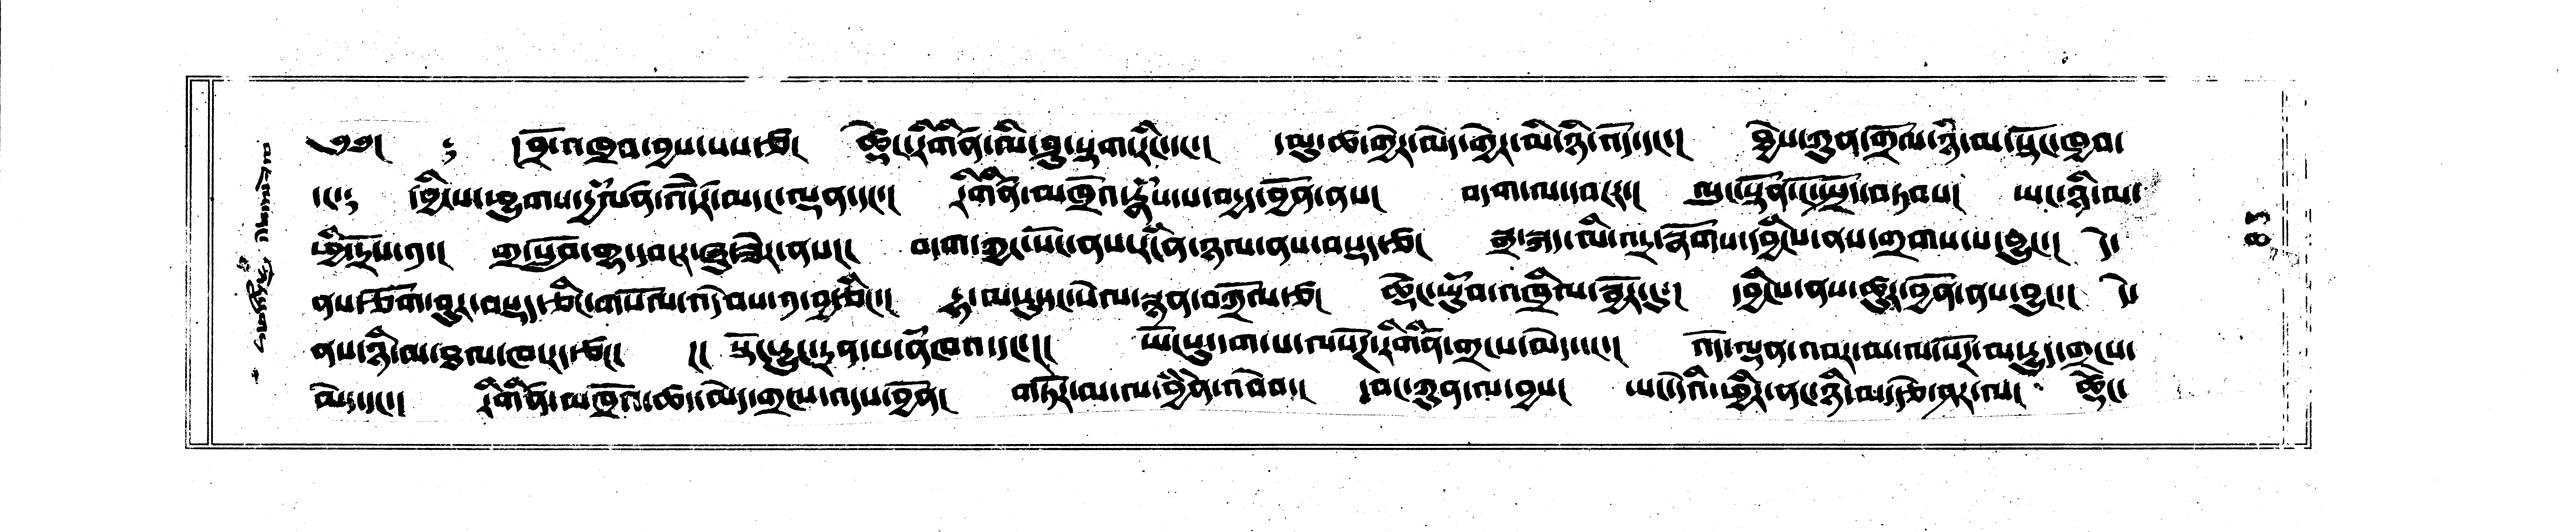བྲོ་འཁྲབ་བྱས་པས་ཙ། ཚེ་དབང་རིག་འཛིན་ལི་ཤུ་སྟག་རིང་དང་། དམུ་ཚ་གྱེར་མེད་གྱེར་མི་ཉི་འོད་དང་། ཐུགས་རྗེ་ཀུན་གྲོལ་ཉི་མ་སྟོང་ཁྱབ་
དང་། དབྱིངས་ཕྱུག་རྒྱལ་མཚན་འོད་ཟེར་མདངས་ལྡན་དང་། རིག་འཛིན་མཁའ་འགྲོ་རྣམ་པ་བརྒྱད་བྱོན་ནས། བདག་ལ་དབང་བསྐུར་ལུང་སྟོན་ངོ་སྤྲོད་བཏབ། ཡང་ཉི་མ་
ཕྱི་དྲོས་གཅིག གྲ་སློབ་གྷ་དབང་བསྐུར་ཞུ་ཟེར་ནས།། བདག་ཀྱང་སོང་ནས་རང་བཞིན་ཉལ་ནས་བསྡད་ཙ། སྒྲ་སྐད་མི་འདྲ་སྣ་ཚོགས་དབྱིངས་ནས་གྲགས་པ་བྱུང་། དེ་
ནས་ཅོག་བུར་བསྡད་ཅིང་གསོལ་འདེབས་གཅིག་བྱས་ཤིང་། དྷ་མ་རུ་དང་སིལ་སྙན་བཀྲོལ་ཙ། ཚེ་དབང་ཡབ་ཡུམ་འཁྲིལ་སྦྱོར་དུ། དབྱིངས་ནས་ཚུར་བྱོན་ནས་བྱུང་། དེ་
ནས་ཉི་མ་ཐལ་ཁ་རད་ཙ། སྟོང་རྒྱུང་དྲན་པ་ནམ་མཁའ་དང་། ཡོངས་སུ་དག་པ་ལ་སོགས་རིག་འཛིན་གྲངས་མེད་དང་། འོད་ལྡན་འབར་མ་ལ་སོགས་མ་རྒྱུད་གྲངས་
མེད་དང་། རིག་འཛིན་མཁའ་འགྲོ་ཚད་མེད་གྲངས་འདས་བྱོན། གཏོར་མ་ལ་བྱིན་ཆེན་འབེབ། དབང་ཀུན་ལ་བྱས། ཡང་དེའི་ཕྱིར་ནང་ཉི་མ་རྩེ་ཤར་ལ། ཚེ་དབང་